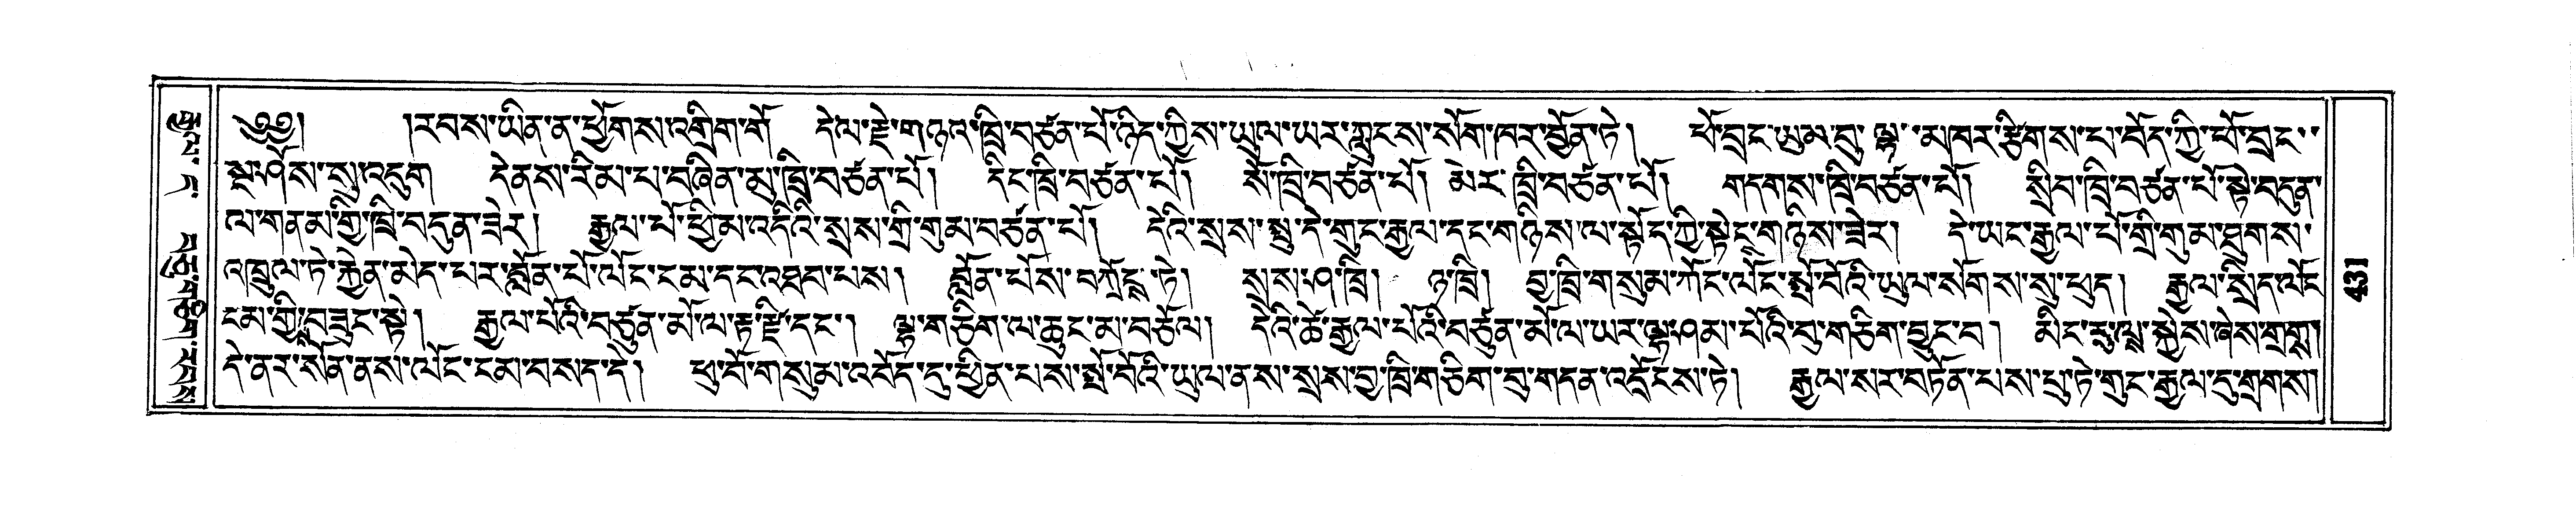༄༅། །རབས་ཡིན་ན་ཕྱོགས་འགྲིག་གོ་དེ་ལ་རྗེ་གཉའ་ཁྲི་བཙན་པོ་ཉིད་ཀྱིས་ཡུལ་ཡར་ཀླུངས་སོག་ཁར་བྱོན་ཏེ། ཕོ་བྲང་ཡུམ་བུ་ལྷ་མཁར་རྩིགས་པ་བོད་ཀྱི་ཕོ་བྲང་
སྔ་ཤོས་སུ་འདུག་དེ་ནས་རིམ་པ་བཞིན་མུ་ཁྲི་བཙན་པོ། དིང་ཁྲི་བཙན་པོ། སོ་ཁྲི་བཙན་པོ། མེར་ཁྲི་བཙན་པོ། གདགས་ཁྲི་བཙན་པོ། སྲིབ་ཁྲི་བཙན་པོ་སྟེ་བདུན་
ལ་གནམ་གྱི་ཁྲི་བདུན་ཟེར། རྒྱལ་པོ་ཕྱི་མ་འདིའི་སྲས་གྲི་གུམ་བཙན་པོ། དེའི་སྲས་སྤུ་དེ་གུང་རྒྱལ་དང་གཉིས་ལ་སྟོད་ཀྱི་སྟེང་གཉིས་ཟེར། དེ་ཡང་རྒྱལ་པོ་གྲི་གུམ་ཐུགས་
འཁྲུལ་ཏེ་རྐྱེན་མེད་པར་བློན་པོ་ལོང་ངམ་དང་འཐབ་པས། བློན་པོས་བཀྲོངས་ཏེ། སྲས་ཤ་ཁྲི། ཉ་ཁྲི། བྱ་ཁྲི་གསུམ་ཀོང་ལོང་སྤོ་བོའི་ཡུལ་སོགས་སུ་ཕུད། རྒྱལ་སྲིད་ལོང་
ངམ་གྱིས་བཟུང་སྟེ། རྒྱལ་པོའི་བཙུན་མོ་ལ་རྟ་རྫི་དང་། ལྷ་གཅིག་ལ་ཆུང་མ་བཅོལ། དེའི་ཚེ་རྒྱལ་པོའི་བཙུན་མོ་ལ་ཡར་ལྷ་ཤམ་པོའི་བུ་གཅིག་བྱུང་བ། མིང་རུ་ལས་སྐྱེས་ཞེས་གྲགས།
དེ་ནར་སོན་ནས་ལོང་ངམ་བསད་དེ། ཕུ་བོ་གསུམ་འབོད་དུ་ཕྱིན་པས་སྤོ་བོའི་ཡུལ་ནས་སྲས་བྱ་ཁྲི་གཅིག་བུ་གདན་འདྲོངས་ཏེ། རྒྱལ་སར་བཏོན་པས་པུ་ཏེ་གུང་རྒྱལ་དུ་གྲགས།